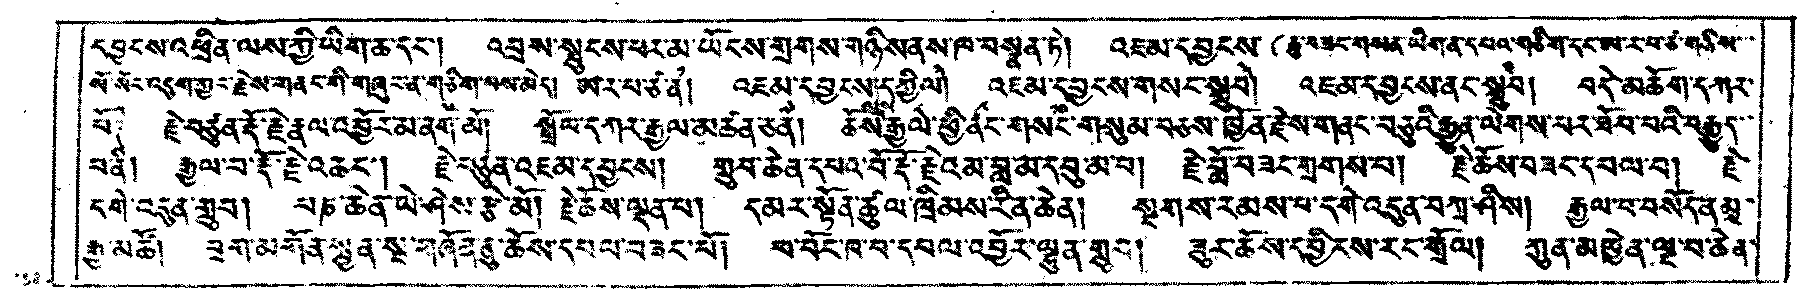དབྱངས་འཕྲིན་ལས་ཀྱི་ཡིག་ཆ་དང་། འབྲས་སྤུངས་པར་མ་ཡོངས་གྲགས་གཉིས་ནས་ཁ་བསྣན་ཏེ། འཇམ་དབྱངས་ཆུ་བཟང་གསན་ཡིག་ན་དཔའ་གཅིག་དང་ཨ་ར་པ་ཙ་གཉིས་
སོ་སོར་འདུག་ཀྱང་རྗེས་གནང་གི་གཞུང་ན་གཅིག་ལས་མེད། ཨ་ར་པ་ཙ་ན ༡། འཇམ་དབྱངས་ལུས་དཀྱིལ ༢། འཇམ་དབྱངས་གསང་སྒྲུབ ༣། འཇམ་དབྱངས་ནང་སྒྲུབ ༤། བདེ་མཆོག་དཀར་
པོ ༥༑ རྗེ་བཙུན་རྡོ་རྗེ་རྣལ་འབྱོར་མ་ནག ༦་མོ། སྒྲོལ་དཀར་རྒྱལ་མཚན་ཅན ༧། ཆོས་རྒྱལ ༨་ཕྱི་ནང ༩་གསང ༡༠་གསུམ་བཅས་ཁྱོན་རྗེས་གནང་བཅུའི་རྒྱུན་ལེགས་པར་ཐོབ་པའི་བརྒྱུད་
པ་ནི། རྒྱལ་བ་རྡོ་རྗེ་འཆང་། རྗེ་བཙུན་འཇམ་དབྱངས། གྲུབ་ཆེན་དཔའ་བོ་རྡོ་རྗེའམ་བླ་མ་དབུ་མ་པ། རྗེ་བློ་བཟང་གྲགས་པ། རྗེ་ཆོས་བཟང་དཔལ་བ། རྗེ་
དགེ་འདུན་གྲུབ། པཎ་ཆེན་ཡེ་ཤེས་རྩེ་མོ། རྗེ་ཆོས་ལྡན་པ། དམར་སྟོན་ཚུལ་ཁྲིམས་རིན་ཆེན། སྔགས་རམས་པ་དགེ་འདུན་བཀྲ་ཤིས། རྒྱལ་བ་བསོད་ནམས་
རྒྱ་མཚོ། བྲག་མགོན་སྤྱན་སྔ་གཞོན་ནུ་ཆོས་དཔལ་བཟང་པོ། ཕ་བོང་ཁ་པ་དཔལ་འབྱོར་ལྷུན་གྲུབ། ཟུར་ཆོས་དབྱིངས་རང་གྲོལ། ཀུན་མཁྱེན་ལྔ་པ་ཆེན་